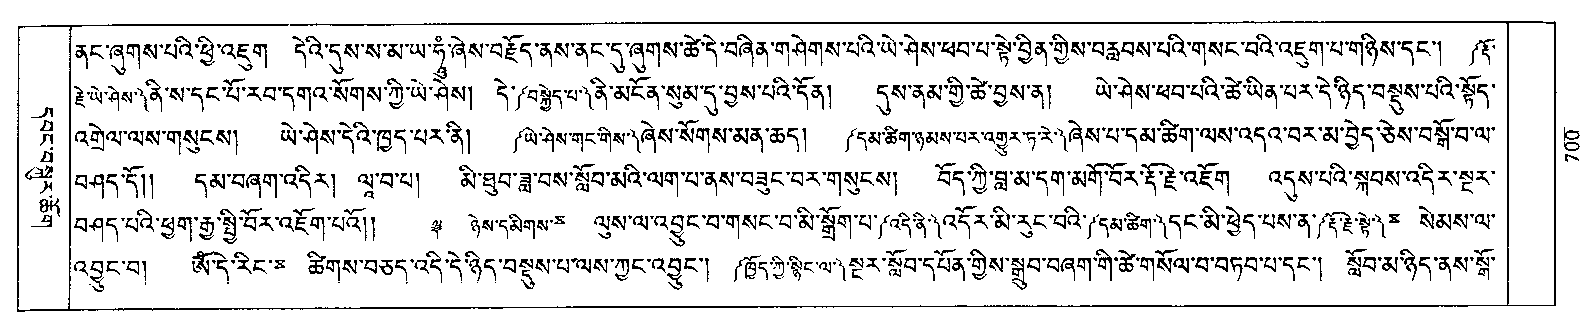ནང་ཞུགས་པའི་ཕྱི་འཇུག་དེའི་དུས་ས་མ་ཡ་ཧཱུཾ་ཞེས་བརྗོད་ནས་ནང་དུ་ཞུགས་ཚེ་དེ་བཞིན་གཤེགས་པའི་ཡེ་ཤེས་ཕབ་པ་སྟེ་བྱིན་གྱིས་བརླབས་པའི་གསང་བའི་འཇུག་པ་གཉིས་དང་། རྡོ་
རྗེ་ཡེ་ཤེས྄་ནི་ས་དང་པོ་རབ་དགའ་སོགས་ཀྱི་ཡེ་ཤེས། དེ་བསྐྱེད་པ྄་ནི་མངོན་སུམ་དུ་བྱས་པའི་དོན། དུས་ནམ་གྱི་ཚེ་བྱས་ན། ཡེ་ཤེས་ཕབ་པའི་ཚེ་ཡིན་པར་དེ་ཉིད་བསྡུས་པའི་སྟོད་
འགྲེལ་ལས་གསུངས། ཡེ་ཤེས་དེའི་ཁྱད་པར་ནི། ༼ཡེ་ཤེས་གང་གིས྄་ཞེས་སོགས་མན་ཆད། ༽དམ་ཚིག་ཉམས་པར་འགྱུར་ཏ་ར྄ེ་ཞེས་པ་དམ་ཚིག་ལས་འདའ་བར་མ་བྱེད་ཅེས་བསྒོ་བ་ལ་
བཤད་དོ།། དམ་བཞག་འདིར། ལཱ་བ་པ། མི་ཐུབ་ཟླ་བས་སློབ་མའི་ལག་པ་ནས་བཟུང་བར་གསུངས། བོད་ཀྱི་བླ་མ་དག་མགོ་བོར་རྡོ་རྗེ་འཇོག་འདུས་པའི་སྐབས་འདིར་སྔར་
བཤད་པའི་ཕྱག་རྒྱ་སྤྱི་བོར་འཇོག་པའོ།། ༈ ཉེས་དམིགས་྾་ལུས་ལ་འབྱུང་བ་གསང་བ་མི་སྒྲོག་པ ༼འདི་ན྄ི་འདོར་མི་རུང་བའི་༽དམ་ཚིག྄་དང་མི་ཕྱེད་པས་ན་རྡོ་རྗེ་སྟ྄ེ་྾་སེམས་ལ་
འབྱུང་བ། ཨོཾ་དེ་རིང་྾་ཚིགས་བཅད་འདི་དེ་ཉིད་བསྡུས་པ་ལས་ཀྱང་འབྱུང་། ཁྱོད་ཀྱི་སྙིང་ལ྄་སྔར་སློབ་དཔོན་གྱིས་སྒྲུབ་བཞག་གི་ཚེ་གསོལ་བ་བཏབ་པ་དང་། སློབ་མ་ཉིད་ནས་སྒོ་